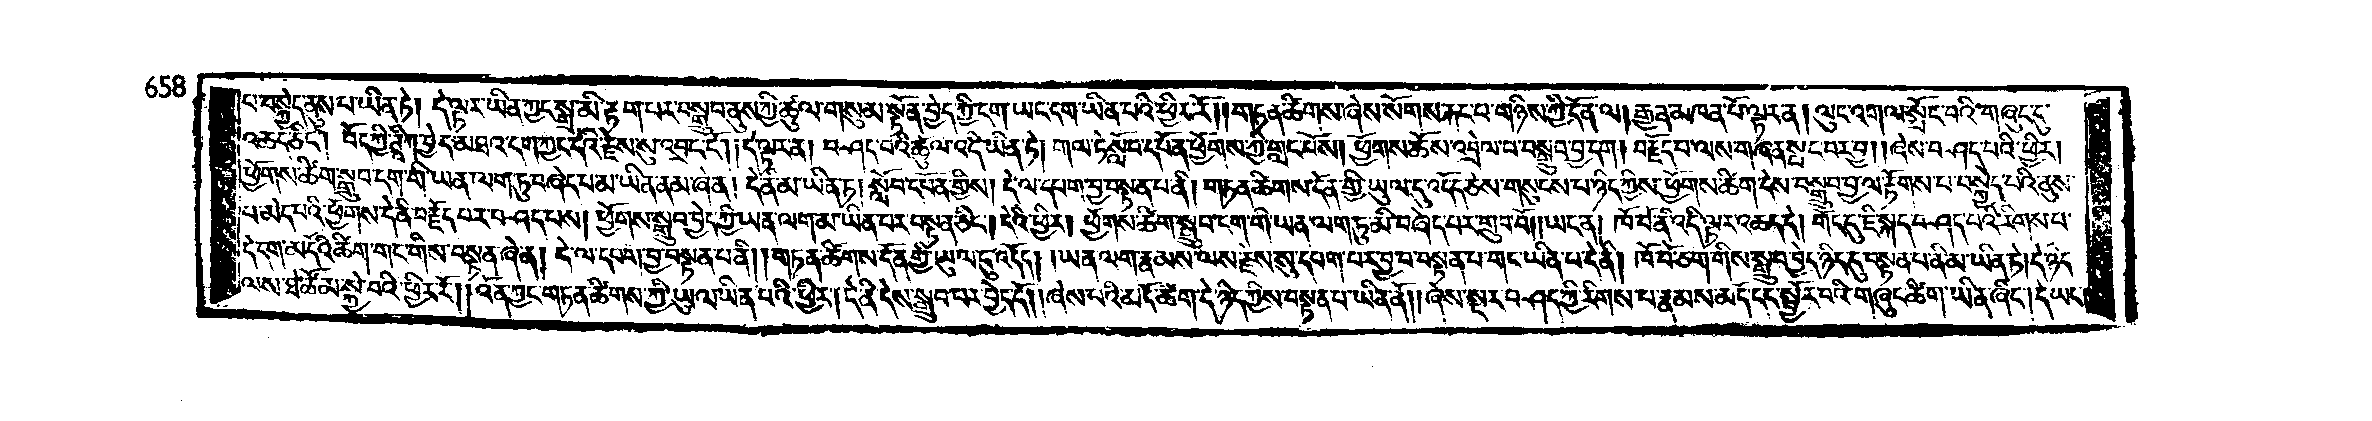པ་བསྐྱེད་ནུས་པ་ཡིན་ཏེ། དེ་ལྟར་ཡིན་ཀྱང་སྒྲ་མི་རྟག་པར་བསྒྲུབ་ནུས་ཀྱི་ཚུལ་གསུམ་སྟོན་བྱེད་ཀྱི་ངག་ཡང་དག་ཡིན་པའི་ཕྱིར་རོ། །གཏན་ཚིགས་ཞེས་སོགས་རྐང་བ་གཉིས་ཀྱི་དོན་ལ། རྒྱན་མཁན་པོ་ལྟར་ན། ལུང་འགལ་སྤོང་བའི་གཞུང་དུ་
འཆད་ཅིང་། བོད་ཀྱི་ཊཱིཀ་བྱེད་མཐའ་དག་ཀྱང་དེའི་རྗེས་སུ་འབྲང་ངོ། །དེ་ལྟར་ན། བཤད་པའི་ཚུལ་འདི་ཡིན་ཏེ། གལ་ཏེ་སློབ་དཔོན་ཕྱོགས་ཀྱི་གླང་པོས། ཕྱོགས་ཆོས་འབྲེལ་བ་བསྒྲུབ་བྱ་དག། བརྗོད་པ་ལས་གཞན་སྤང་བར་བྱ། ཞེས་བཤད་པའི་ཕྱིར།
ཕྱོགས་ཚིག་སྒྲུབ་དག་གི་ཡན་ལག་ཏུ་བཞེད་པ་མ་ཡིན་ནམ་ཞེ་ན། དེ་ནི་མ་ཡིན་ཏེ། སློབ་དཔོན་གྱིས། དེ་ལ་དཔག་བྱ་བསྟན་པ་ནི། གཏན་ཚིགས་དོན་གྱི་ཡུལ་དུ་འདོད་ཅེས་གསུངས་པ་ཉིད་ཀྱིས་ཕྱོགས་ཚིག་དེས་བསྒྲུབ་བྱ་ལ་རྟོགས་པ་བསྐྱེད་པའི་ནུས་
པ་མེད་པའི་ཕྱོགས་དེ་ནི་བརྗོད་པར་བཤད་པས། ཕྱོགས་སྒྲུབ་བྱེད་ཀྱི་ཡན་ལག་མ་ཡིན་པར་བསྟན་ཅིང་། དེའི་ཕྱིར། ཕྱོགས་ཚིག་སྒྲུབ་ངག་གི་ཡན་ལག་ཏུ་མི་བཞེད་པར་གྲུབ་བོ། །ཡང་ན། ཁོ་བོ་ནི་འདི་ལྟར་འཆད་དེ། གོང་དུ་ཇི་སྐད་བཤད་པའི་རིགས་པ་
དེ་དག་མདོའི་ཚིག་གང་གིས་བསྟན་ཞེ་ན། དེ་ལ་དཔག་བྱ་བསྟན་པ་ནི། གཏན་ཚིགས་དོན་གྱི་ཡུལ་དུ་འདོད། ཡན་ལག་རྣམས་ལས་རྗེས་སུ་དཔག་པར་བྱ་བ་བསྟན་པ་གང་ཡིན་པ་དེ་ནི། ཁོ་བོ་ཅག་གིས་སྒྲུབ་བྱེད་ཉིད་དུ་བསྟན་པ་ནི་མ་ཡིན་ཏེ། དེ་ཉིད་
ལས་ཐེ་ཚོམ་སྐྱེ་བའི་ཕྱིར་རོ། །འོན་ཀྱང་གཏན་ཚིགས་ཀྱི་ཡུལ་ཡིན་པའི་ཕྱིར། དེ་ནི་དེས་སྒྲུབ་པར་བྱེད་དོ། །ཞེས་པའི་མདོ་ཚིག་དེ་ཉིད་ཀྱིས་བསྟན་པ་ཡིན་ནོ། །ཞེས་སྔར་བཤད་ཀྱི་རིགས་པ་རྣམས་མདོ་དང་སྦྱོར་བའི་གཞུང་ཚིག་ཡིན་ཞིང་། དེ་ཡང་